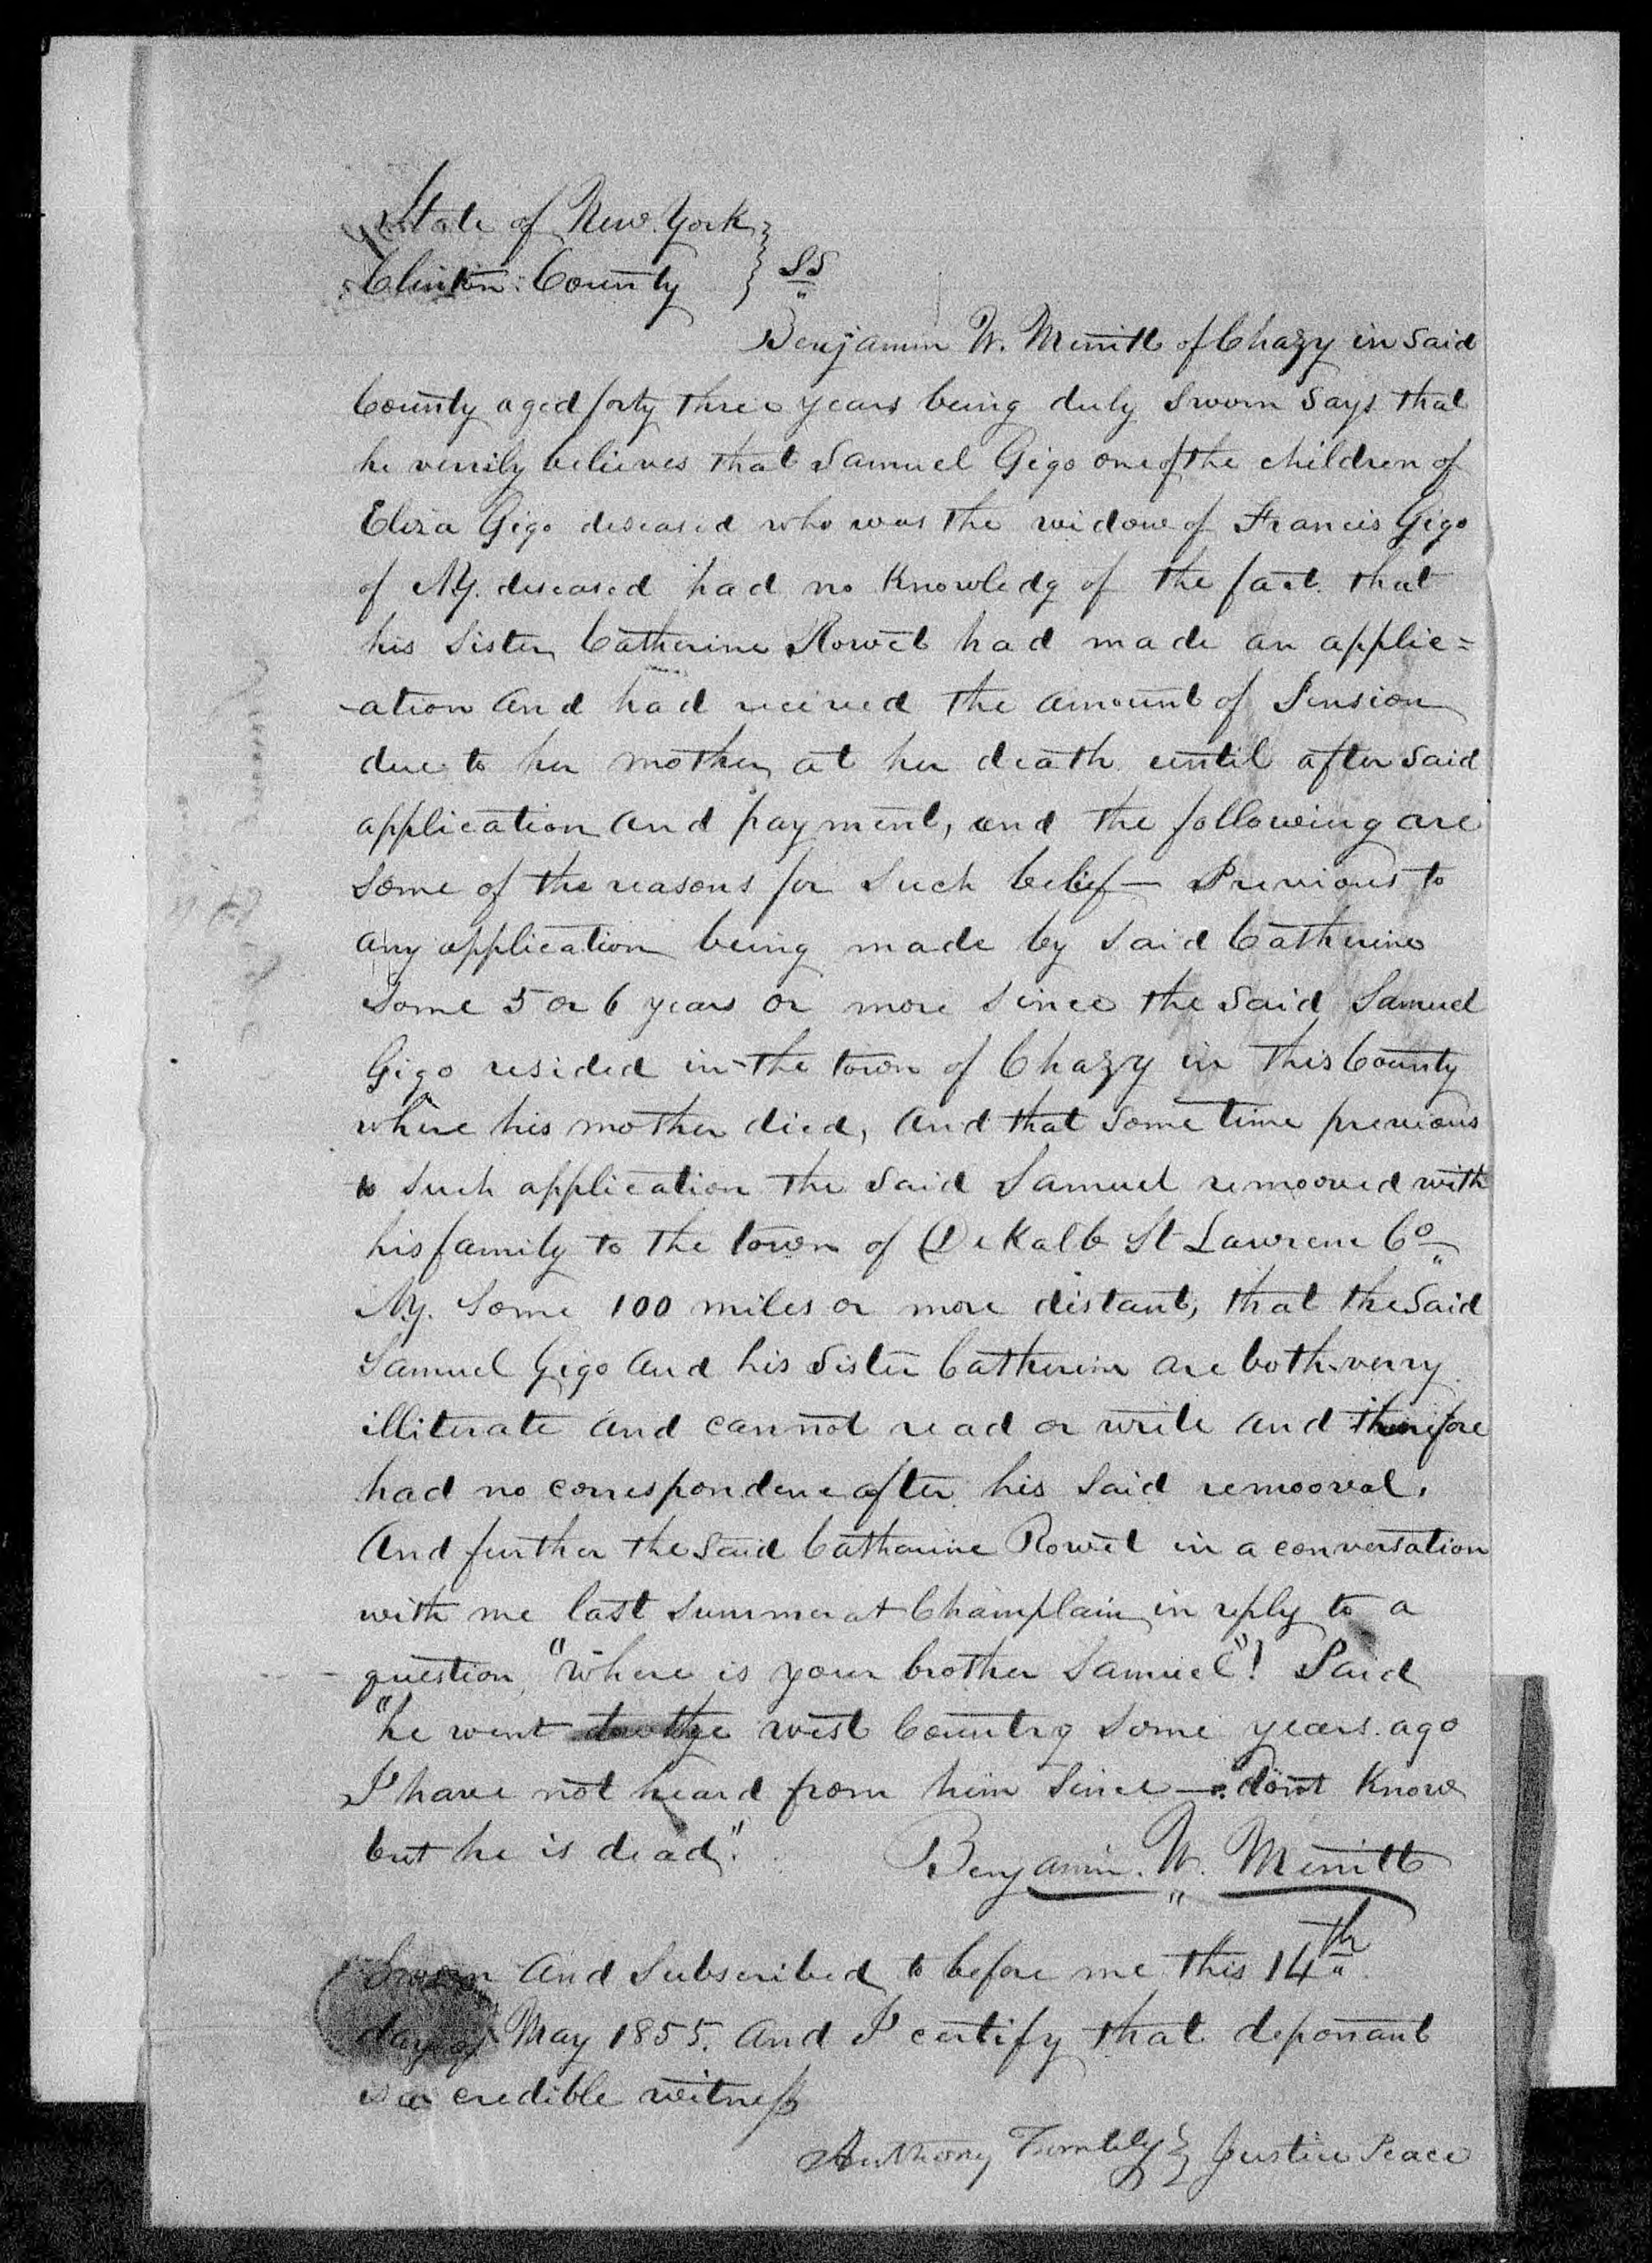State of New York
Clinton County  ss
Benjamin W. Merritt of Chazy in said County aged forty three years being duly sworn says that he verrily believes that Samuel Gigo one of the children of Eliza Gigo deceased who was the widow of Francis Gigo of N.Y. deceased had no knowledg of the fact that his Sister Catherine Roust had made an application and had received the amount of pension due to her mother at her death until after said application and payments, and the following are some of the reasons for such belief - 
Previous to any application being made be said Catherine some 5 or 6 years or more since the said Samuel Gigo resided in the town of Chazy in this county where his mother died, and that some time previous to such application the said Samuel removed with his family to the town of DeKalb St Lawrence Co NY some 100 miles or more distant, that the said Samuel Gigo and his sister Catherine are both verry illiterate and cannot read or write and therefore had no correspondence after his said removal.
And further the said Catharine Roust in a conversation with me last summer at Champlain in reply to a question "where is your brother Samuel"? said "he went to the west country some years ago  I have not heard from him since - don't know but he is dead."

Benjamin W. Minitt
Sworn and Subscribed to before me this 14th day of May 1855, and I certify that deponant was credible witness.
Anthony Furnbly  Justice Peace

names: Francis Gigo, Eliza Gigo, Samuel, Samuel Gigo, Anthony Trombly, Catherine, Benjanin W Merritt, Samuel, Samuel Gigo, Catherine, Samuel Gigo, Benjamin W Merritt, Catherine Rowet, Catharine Rowet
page: 54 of 98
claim: widow's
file: W. 21182, Francis Gigo, Continental (Canadian)